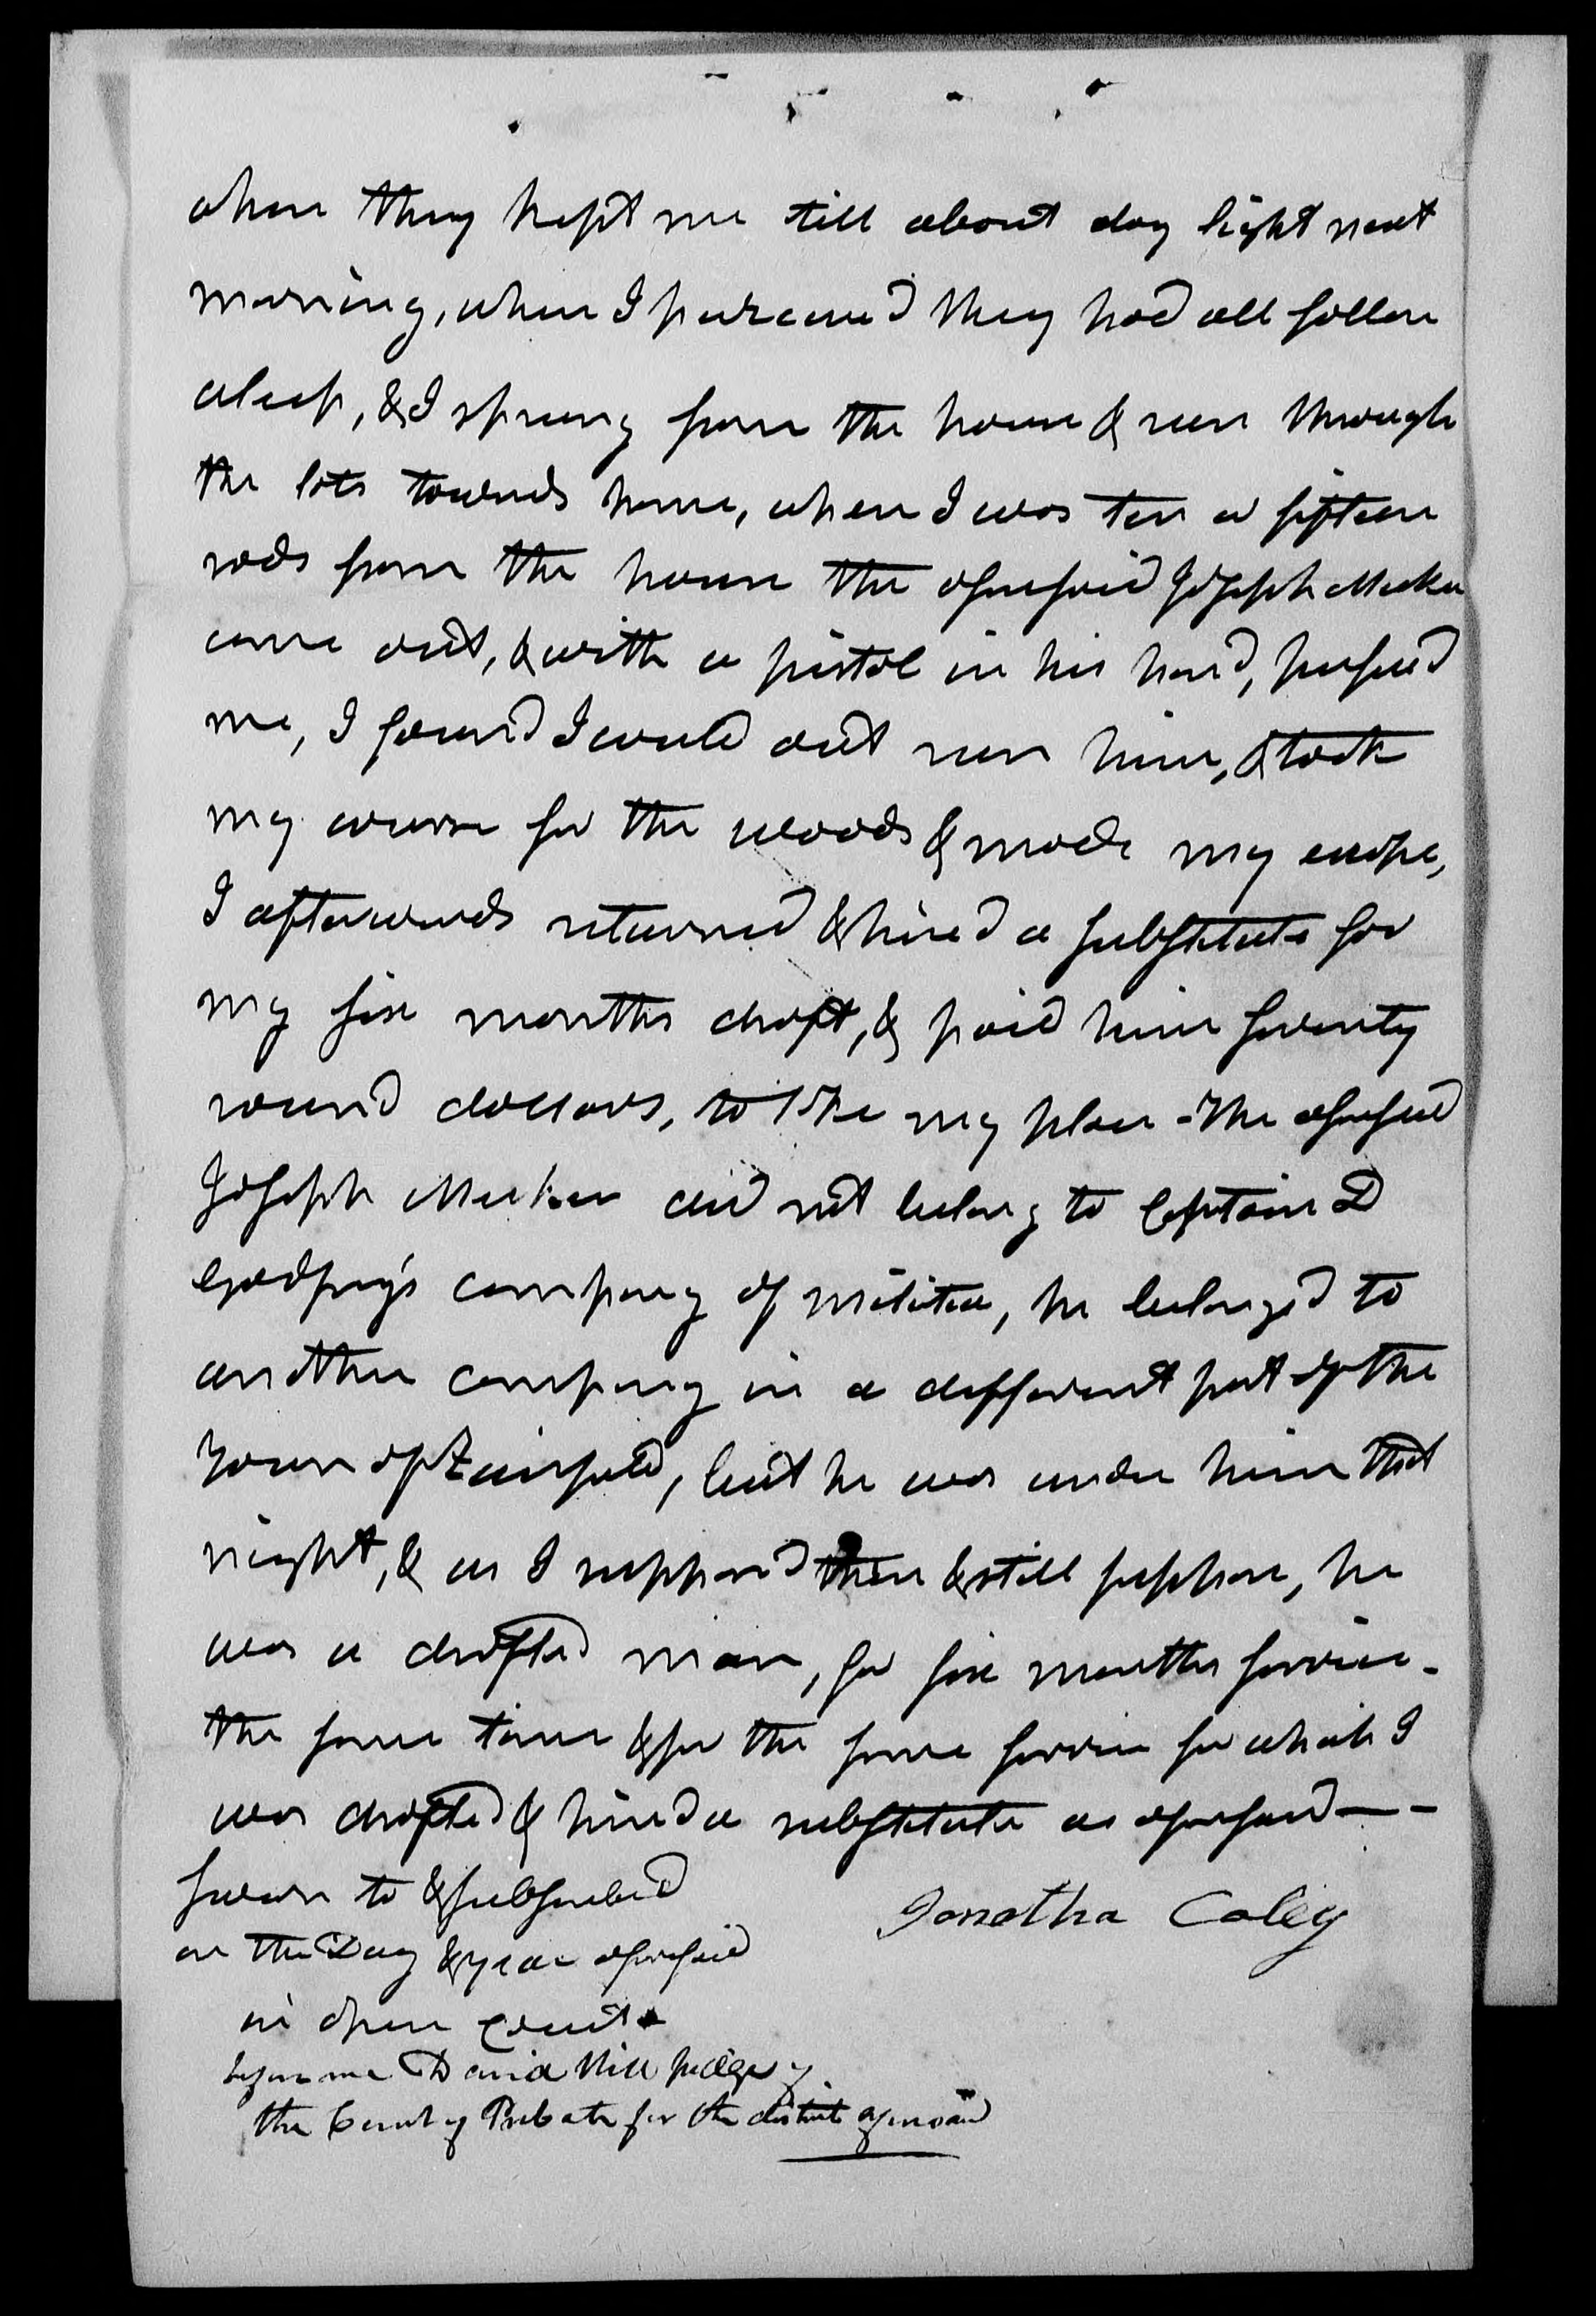where they kept me till about day light next morning, when I perceived the had all fallen asleep, & I sprung from the house & ran through  the lots towards home, when  I was ten or fifteen rods from the house the aforesaid Joseph Meeker came out. & with a pistol in his hand, [illegible word] me, I found I could our run him, & took my cover for the woods & made my escape. I afterwards returned & hired a substitute for my five months draft, & paid him twenty round dollars, to [illegible word] my plan - - The aforesaid Joseph Meeker did not belong to Captain D. Godfrey's company of militia, he belonged to another company in a different part of the Town of Fairfield, but he was under him that night, & as I supposed then & still suppose, he was a drafted man, for five months service - the four times & for the same service for which I was drafted & hired a substitute as aforesaid -
    [Signed]  Jonathan Carey
Sworn to & Subscribed
on the Day & year aforesaid
in Open Court
before me David Hll Judge of the 
County of [illegible] for the District aforesaid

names: David Hill; Joseph Meeker; Jonatha Coley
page: 9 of 22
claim: survivor's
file: S. 15,517, for Joseph Meeker, Connecticut